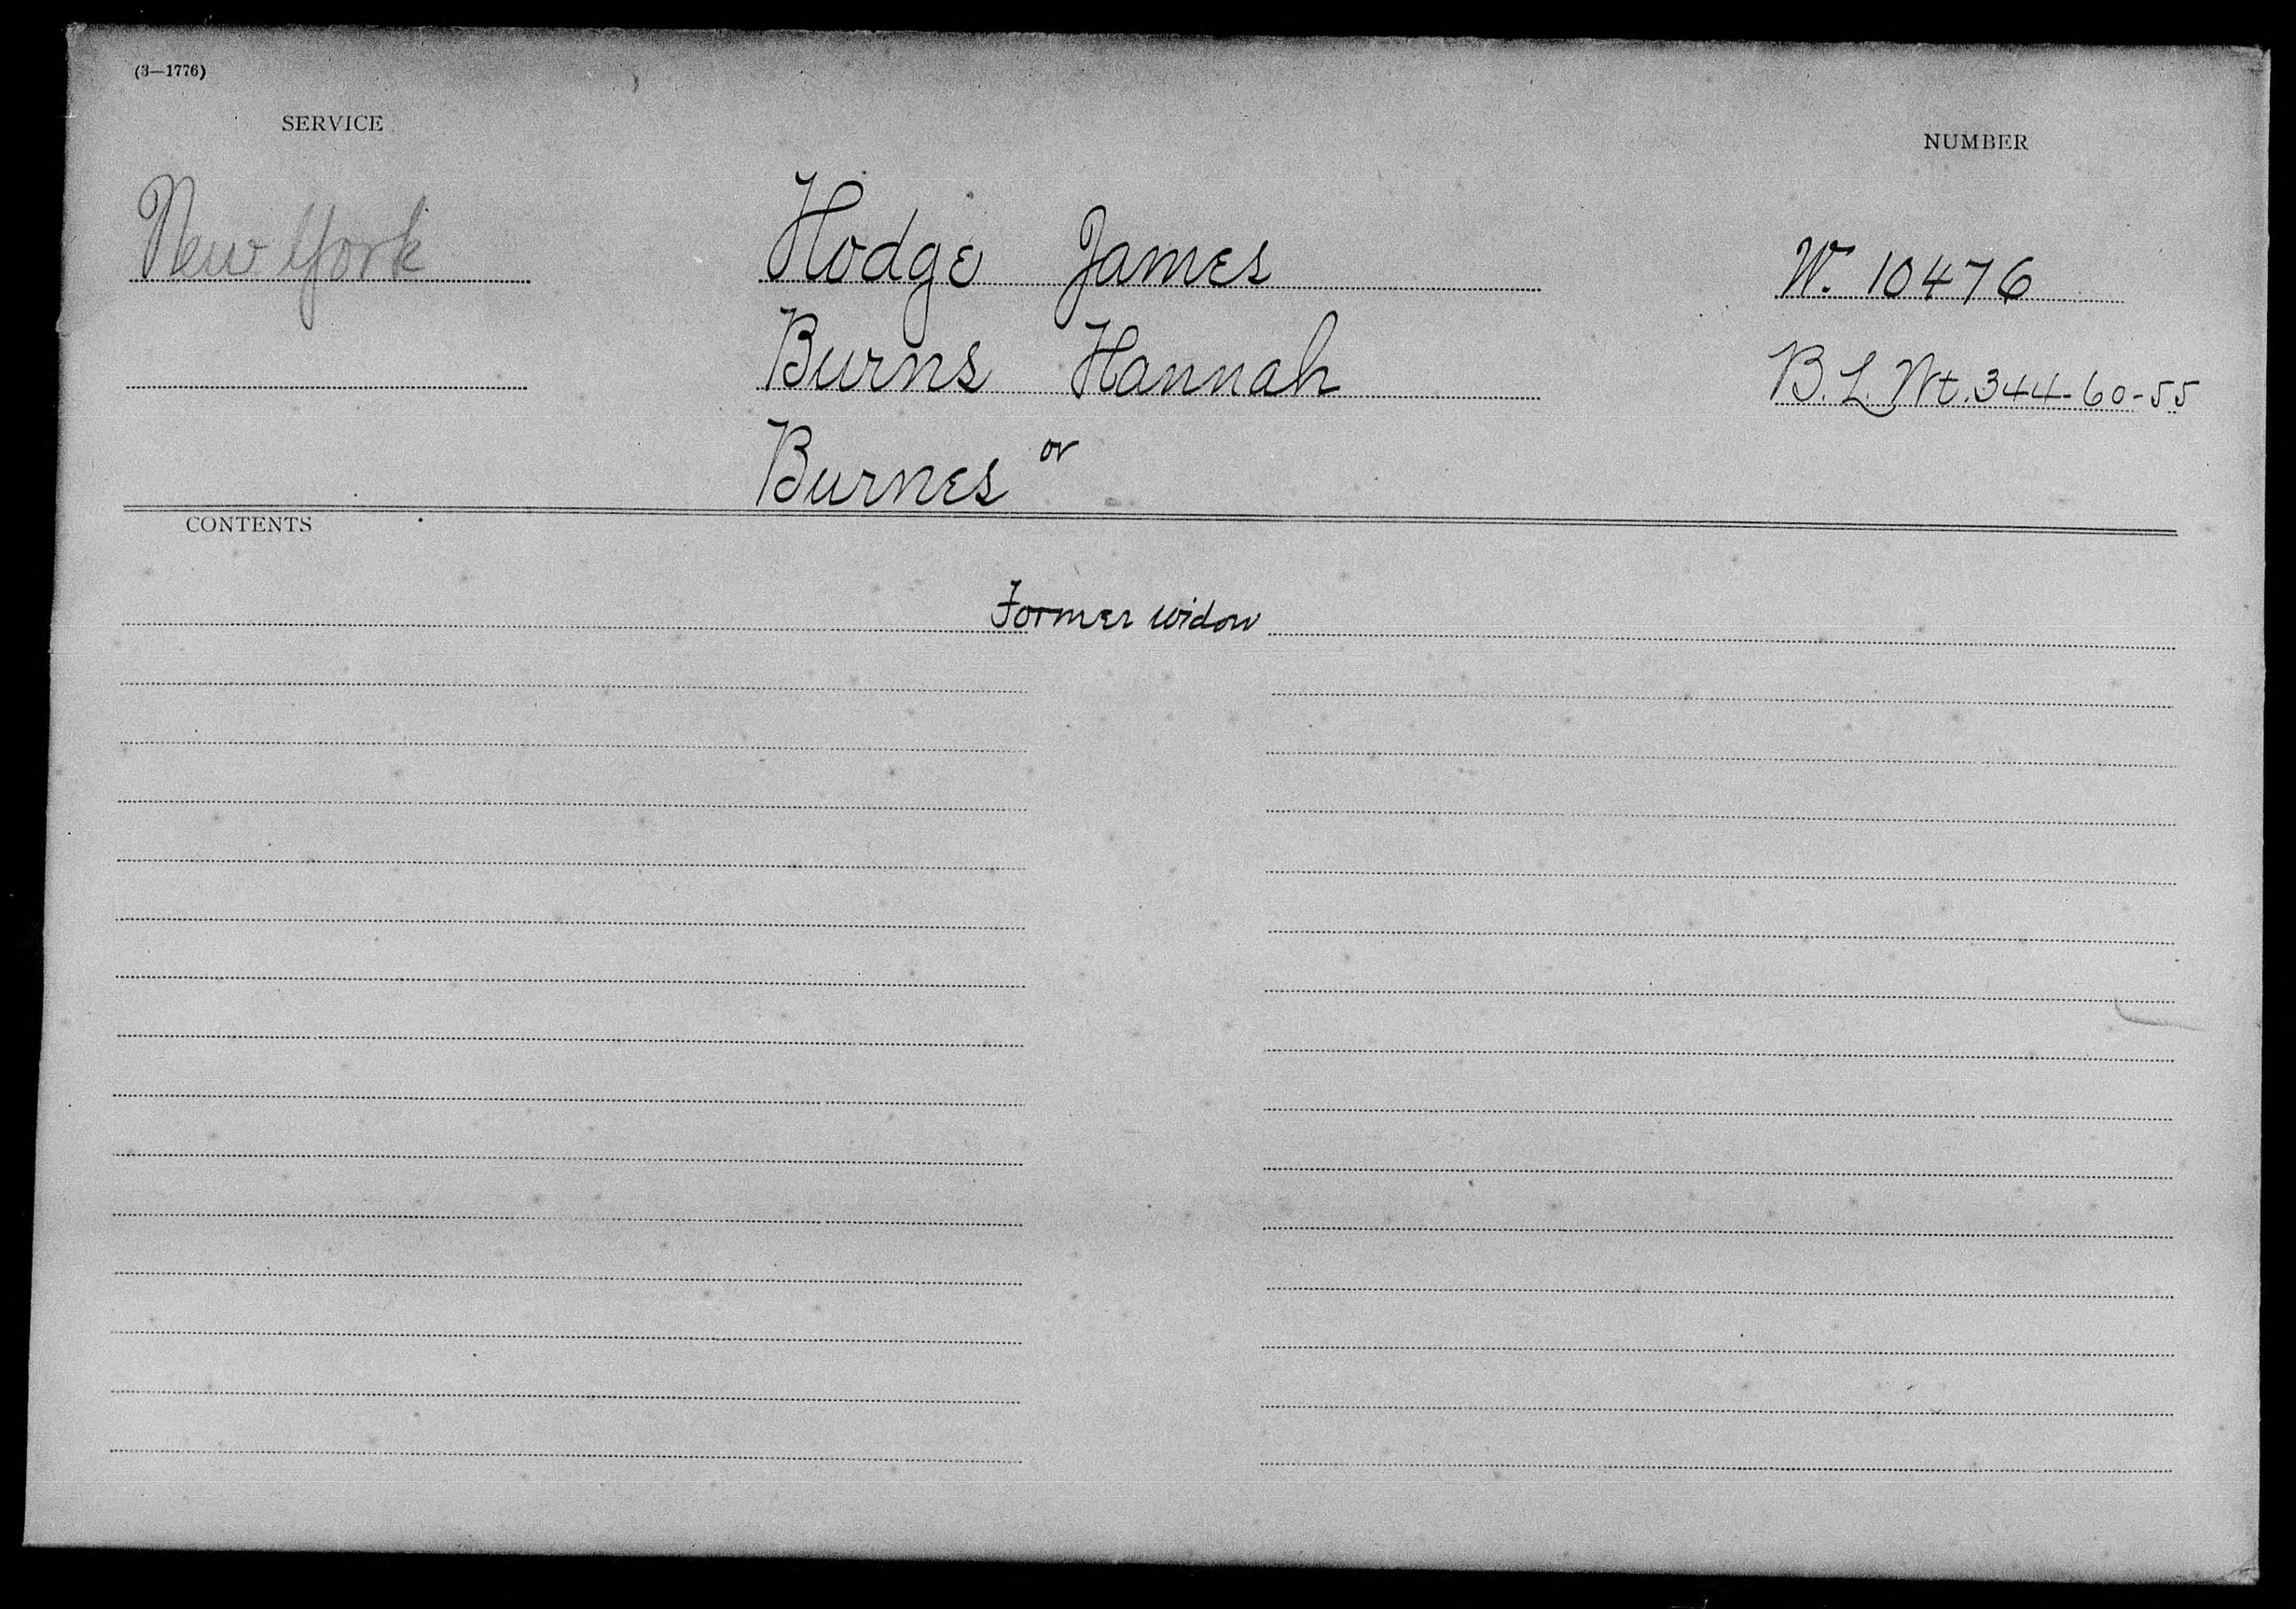*(3-1776)*

SERVICE  NUMBER

New York

Hodge James
Burns Hannah
or
Burnes

W. 10476
B. L. Wt. 344-60-55

*CONTENTS* 

Former widow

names: Hannah Burnes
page: 1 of 48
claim: widow's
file: W. 10476, James Hodge, New York